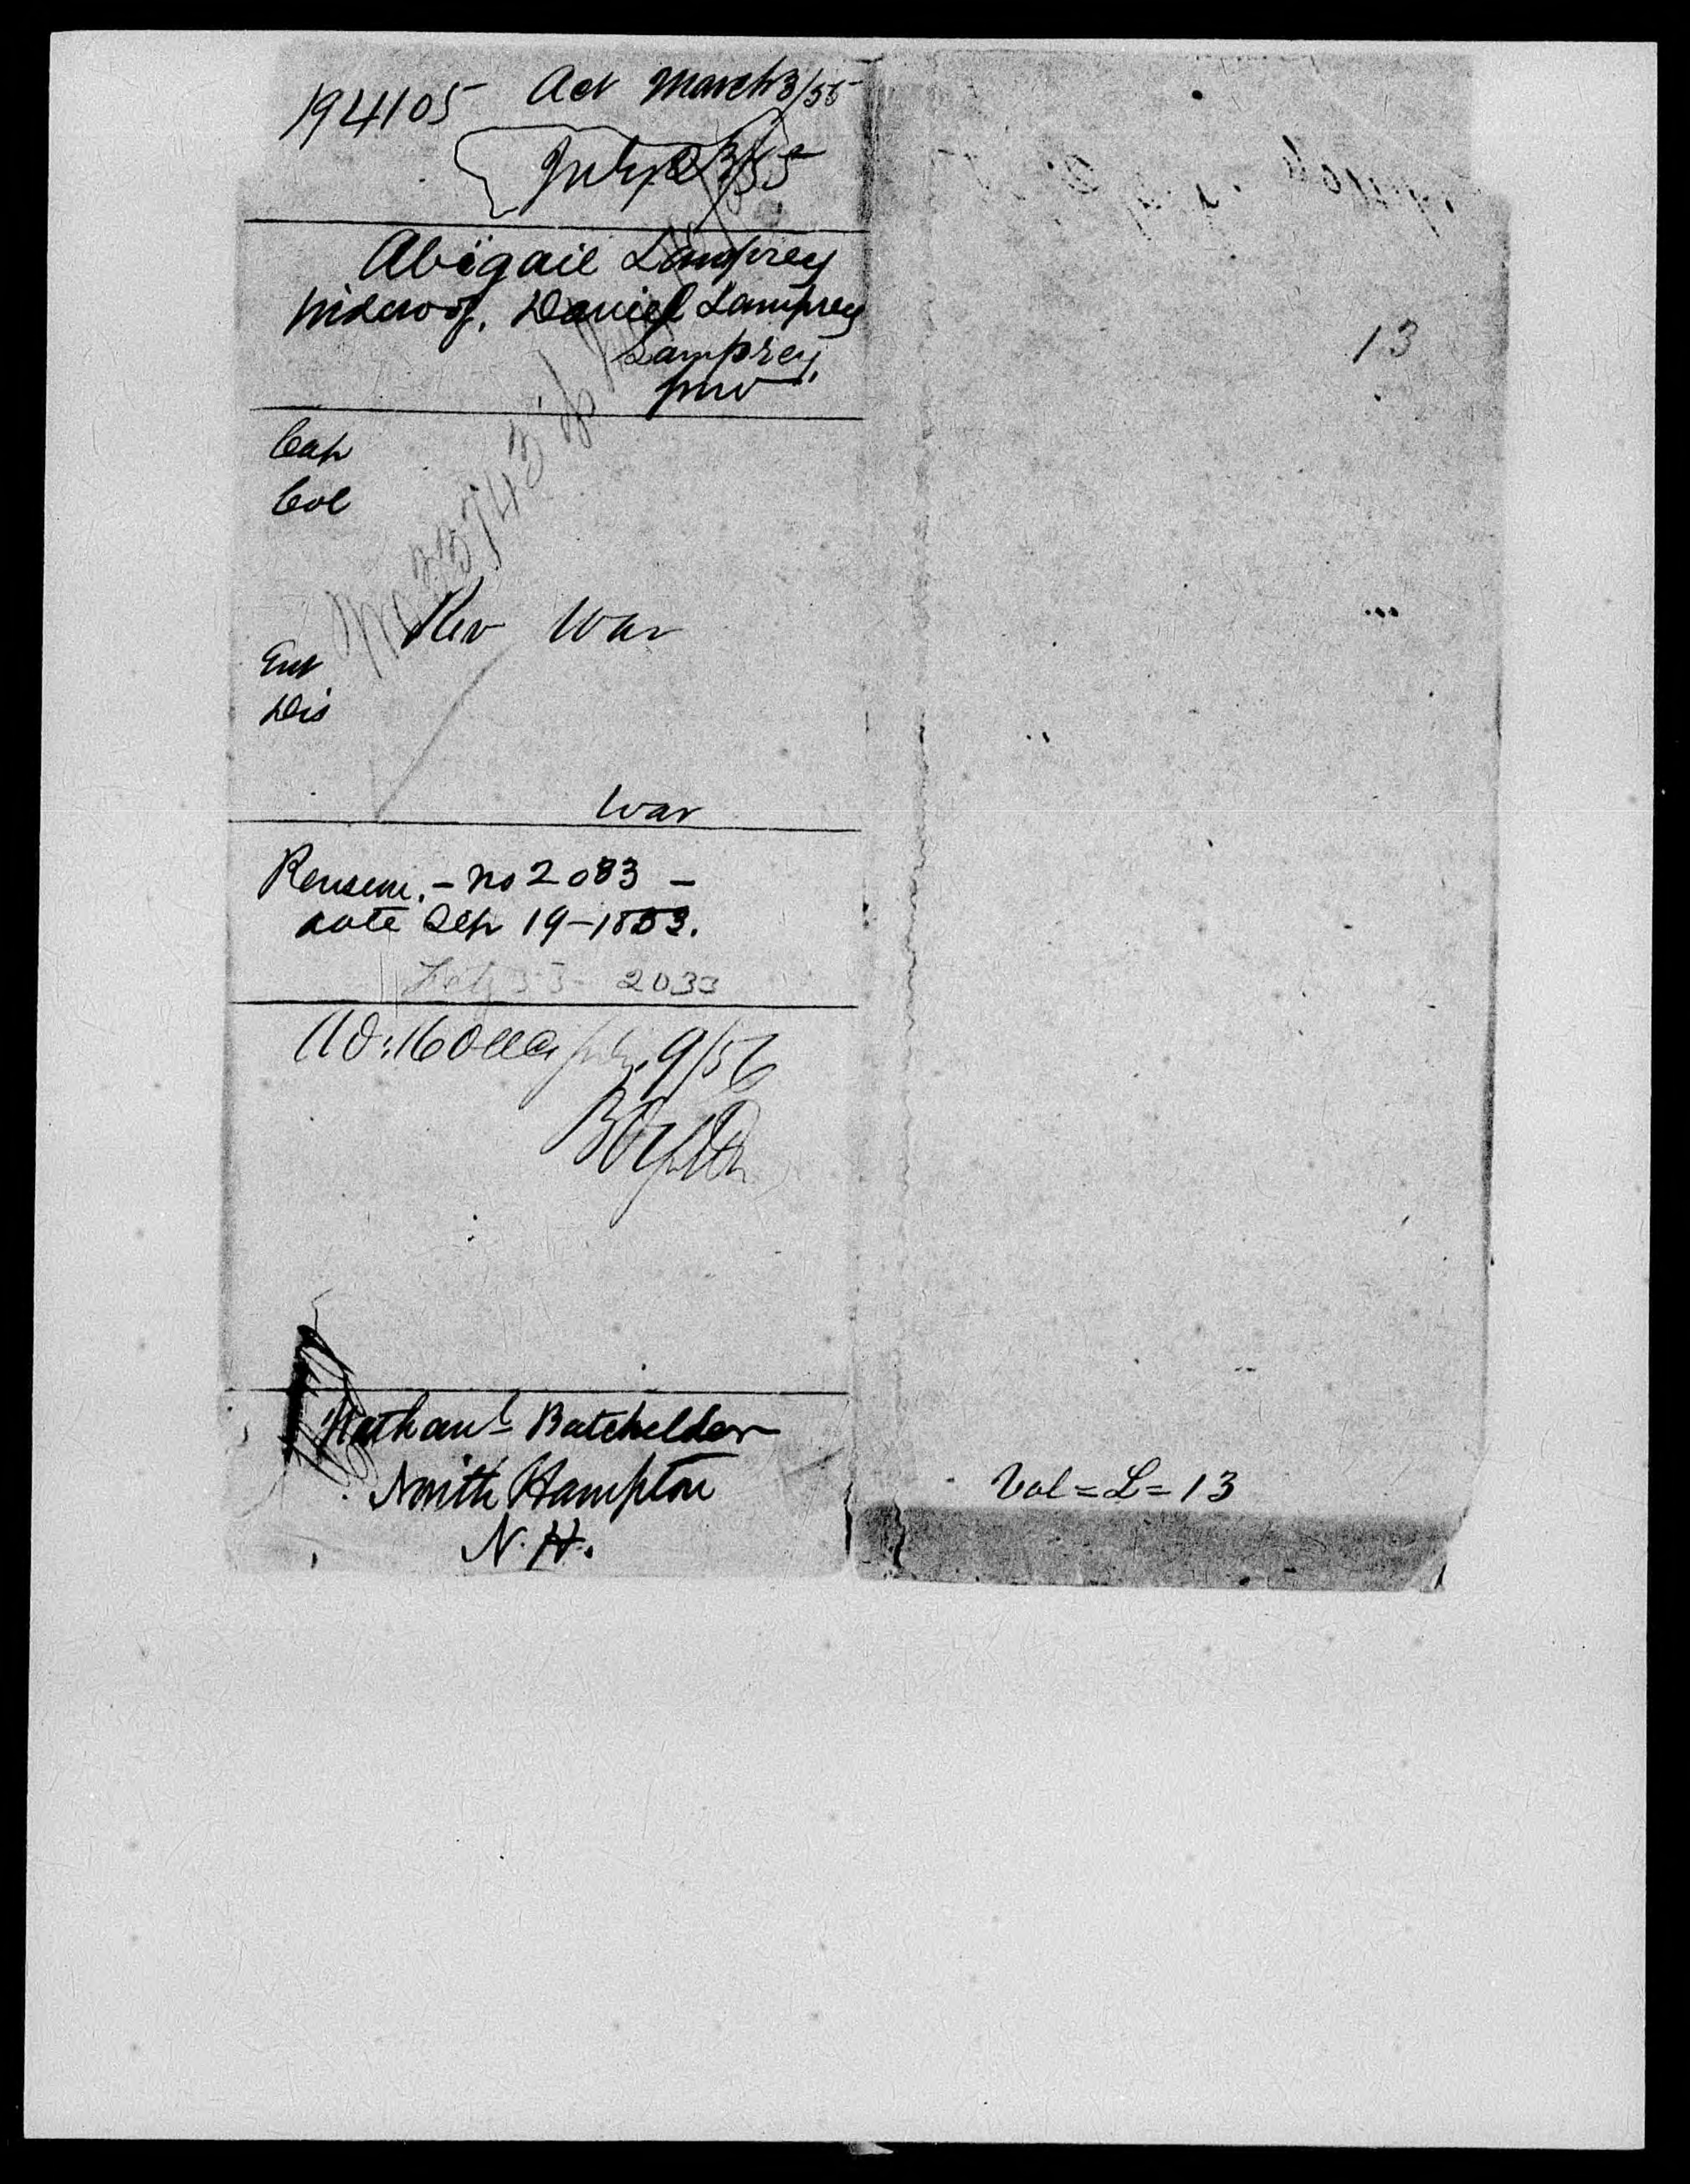194105 Act March 3/[18]55
Abigail Lamprey Widow of David Lamprey Lamprey priv [PRIVATE]
Cap [CAPTAIN]
Col [COLONEL]

Rev [REVOLUTIONARY] War
Enl [ENLISTED]
Dis [DISCHARGED]
war
Pension. - no 2083 - date Sepr [SEPTEMBER] 19 - 1853
Feby [FEBRUARY [18]53 - 2033 
Ad: [ADMITTED] 160 [illegible] July 9/[18]56
Boynton

Nathanl [NATHANIEL] Batchelder
North Hampton
N.H.
[over written] W033743 iss [ISSUED] July 16 [illegible]
Vol = L =13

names: Nathanl Batchelder; Abigail Lamprey; [BLANK] Boynton; Daniel Lamprey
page: 2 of 53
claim: widow's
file: W. 492, for Daniel Lamprey, New Hampshire